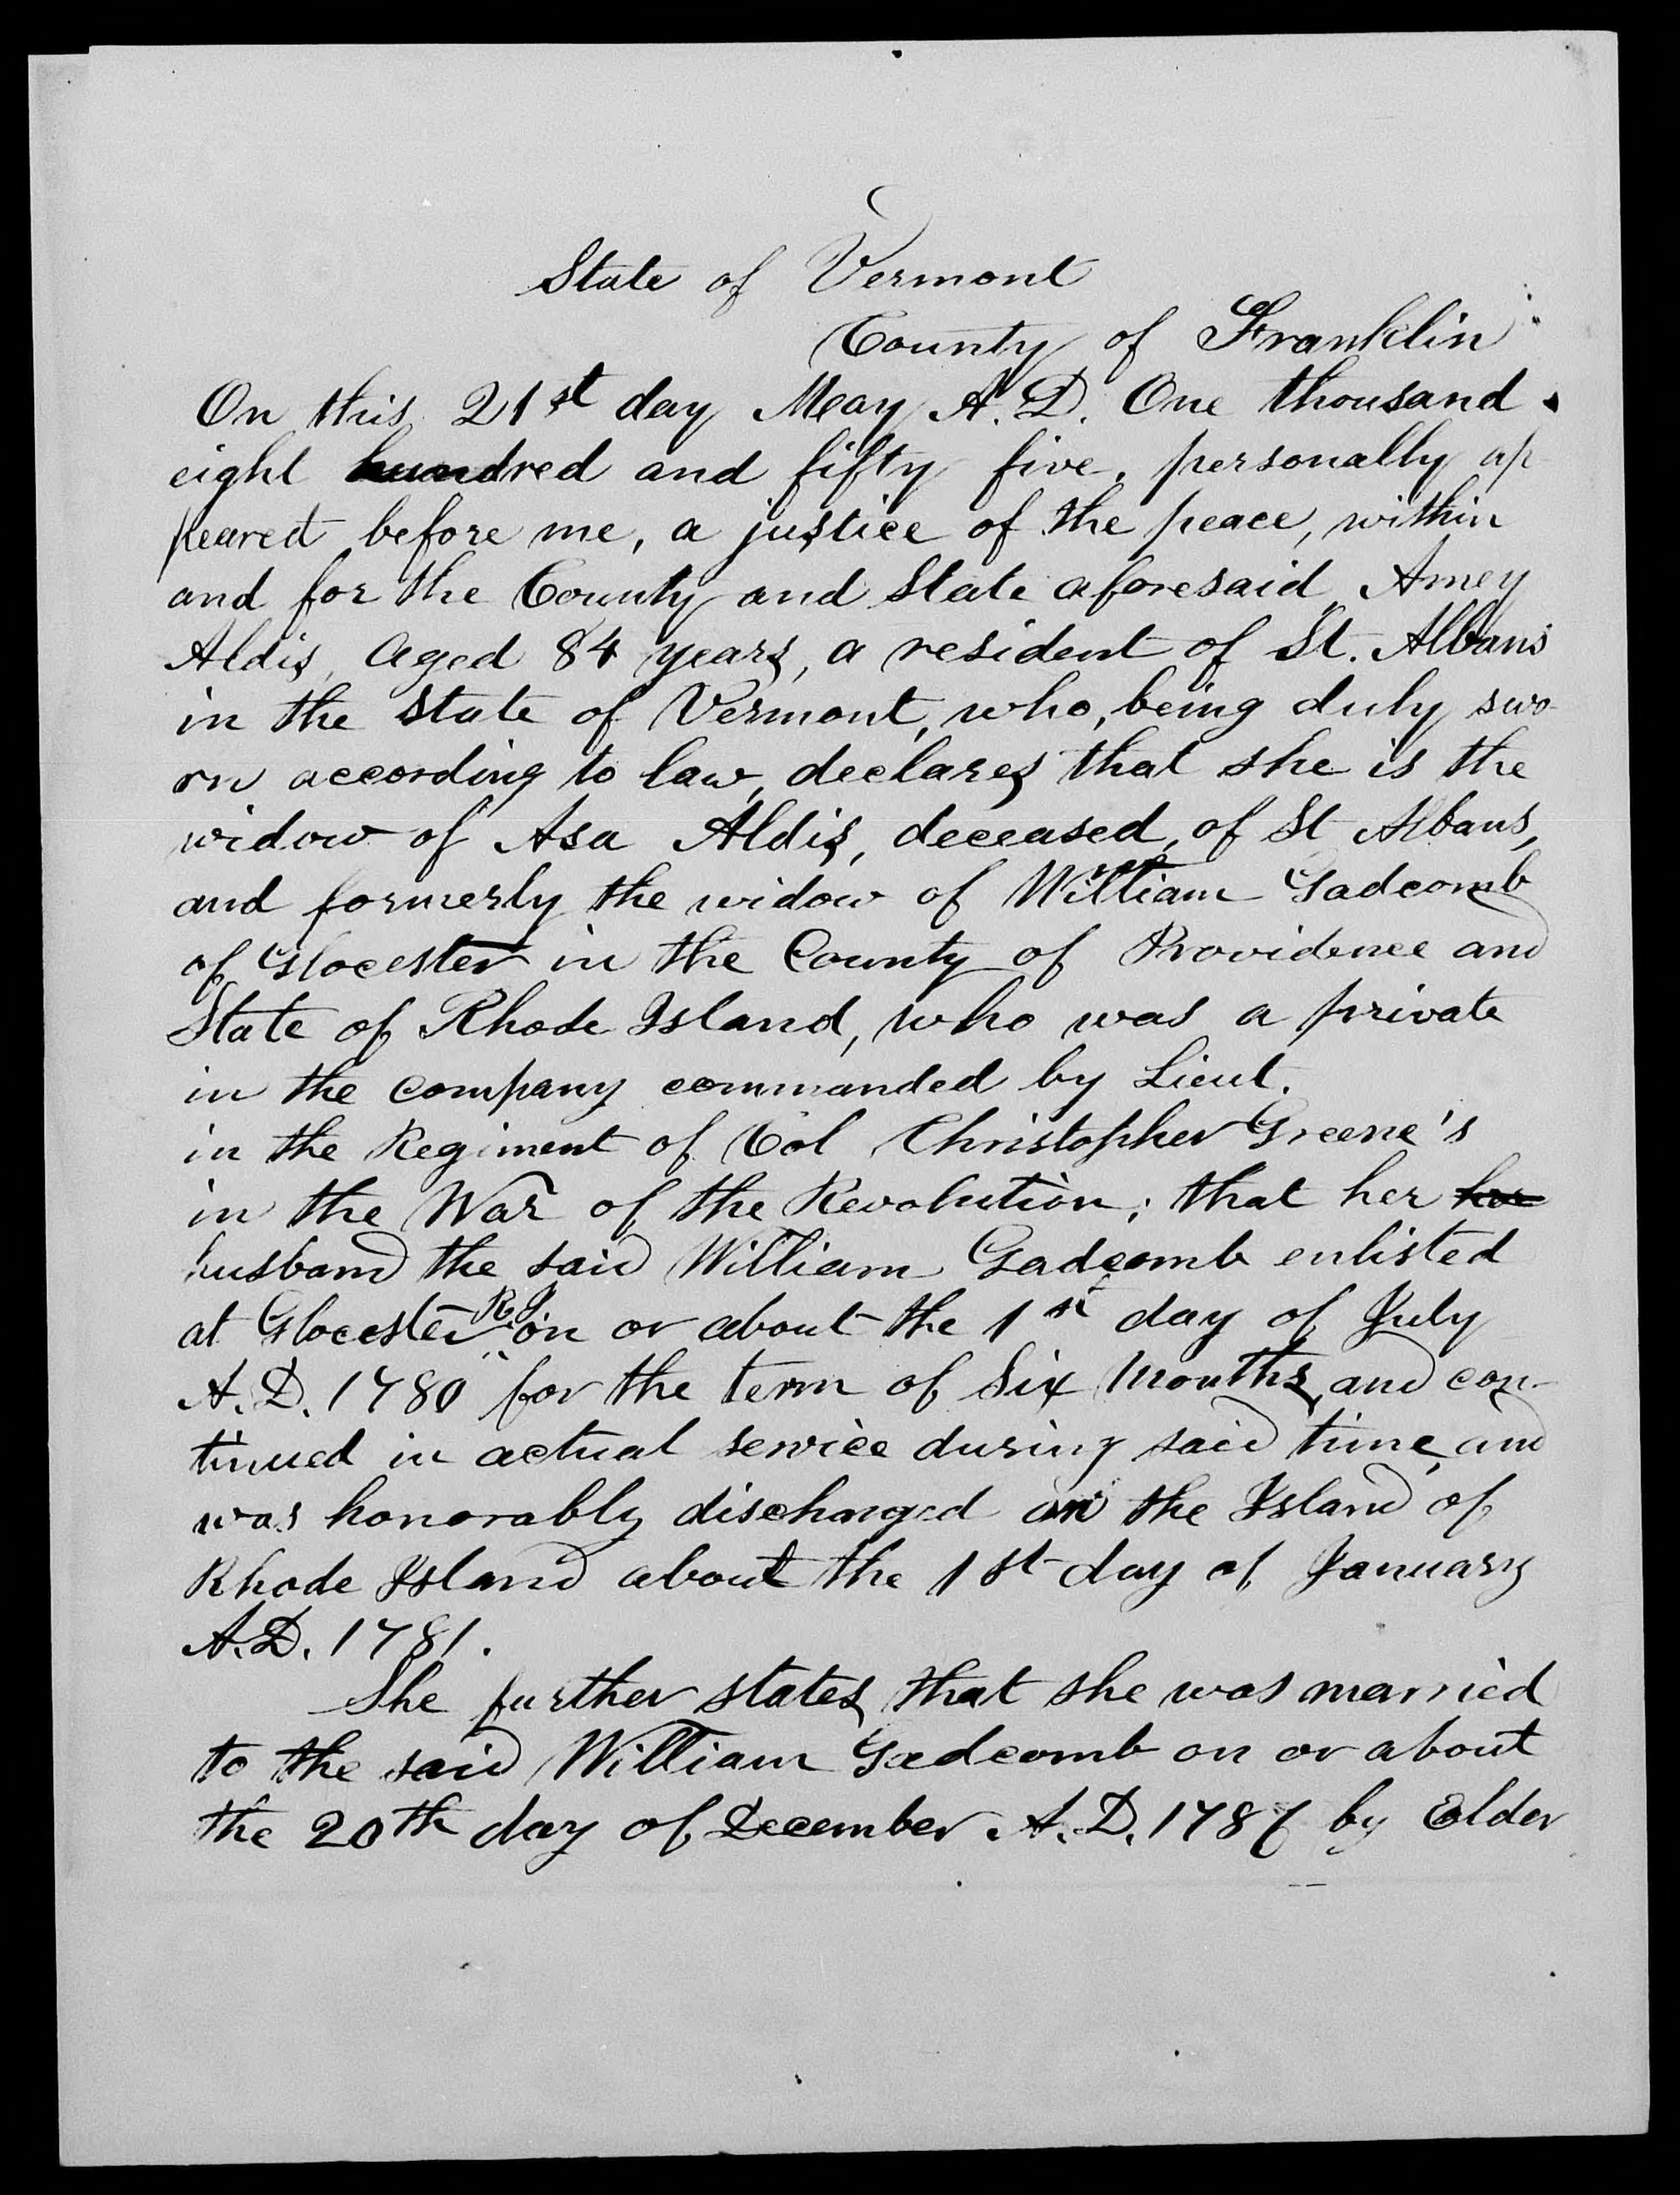State of Vermont
County of Franklin
On this 21st day May A. D. One thousand
eight hundred and fifty five, personally 
appeared before me, a justice of the peace, within
and for the County and State aforesaid, Amey
Aldis, aged 84 years, a resident of St. Albans
in the State of Vermont, who, being duly sworn 
according to law, declares that she is the
widow of Asa Aldis deceased, of St Albans
and formerly the widow of William Gadcomb of
Glocester in the County of Providence and
State of Rhode Island, who was a private
in the company commanded by Lieut. 
in the Regiment of Col Christopher Greene's
in the War of the Revolution; that her
husband the said William Gadcomb enlisted
at Glocester R. I. on or about the 1st day of July
A. D. 1780 for the term of six months and continued
in actual service during said time and
was honorably discharged on the Island of
Rhode Island about the 1st day of January
A. D. 1781. 
She further states that she was married
to the said William Gadcomb on or about
the 20th day of December A. D. 1786 by Elder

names: William Gadcomb, Amey Aldis, William Gadcomb, William Gadcomb, Asa Aldis, Christopher Greene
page: 9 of 76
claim: widow's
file: W. 15,517, William Gadcomb, R.I.